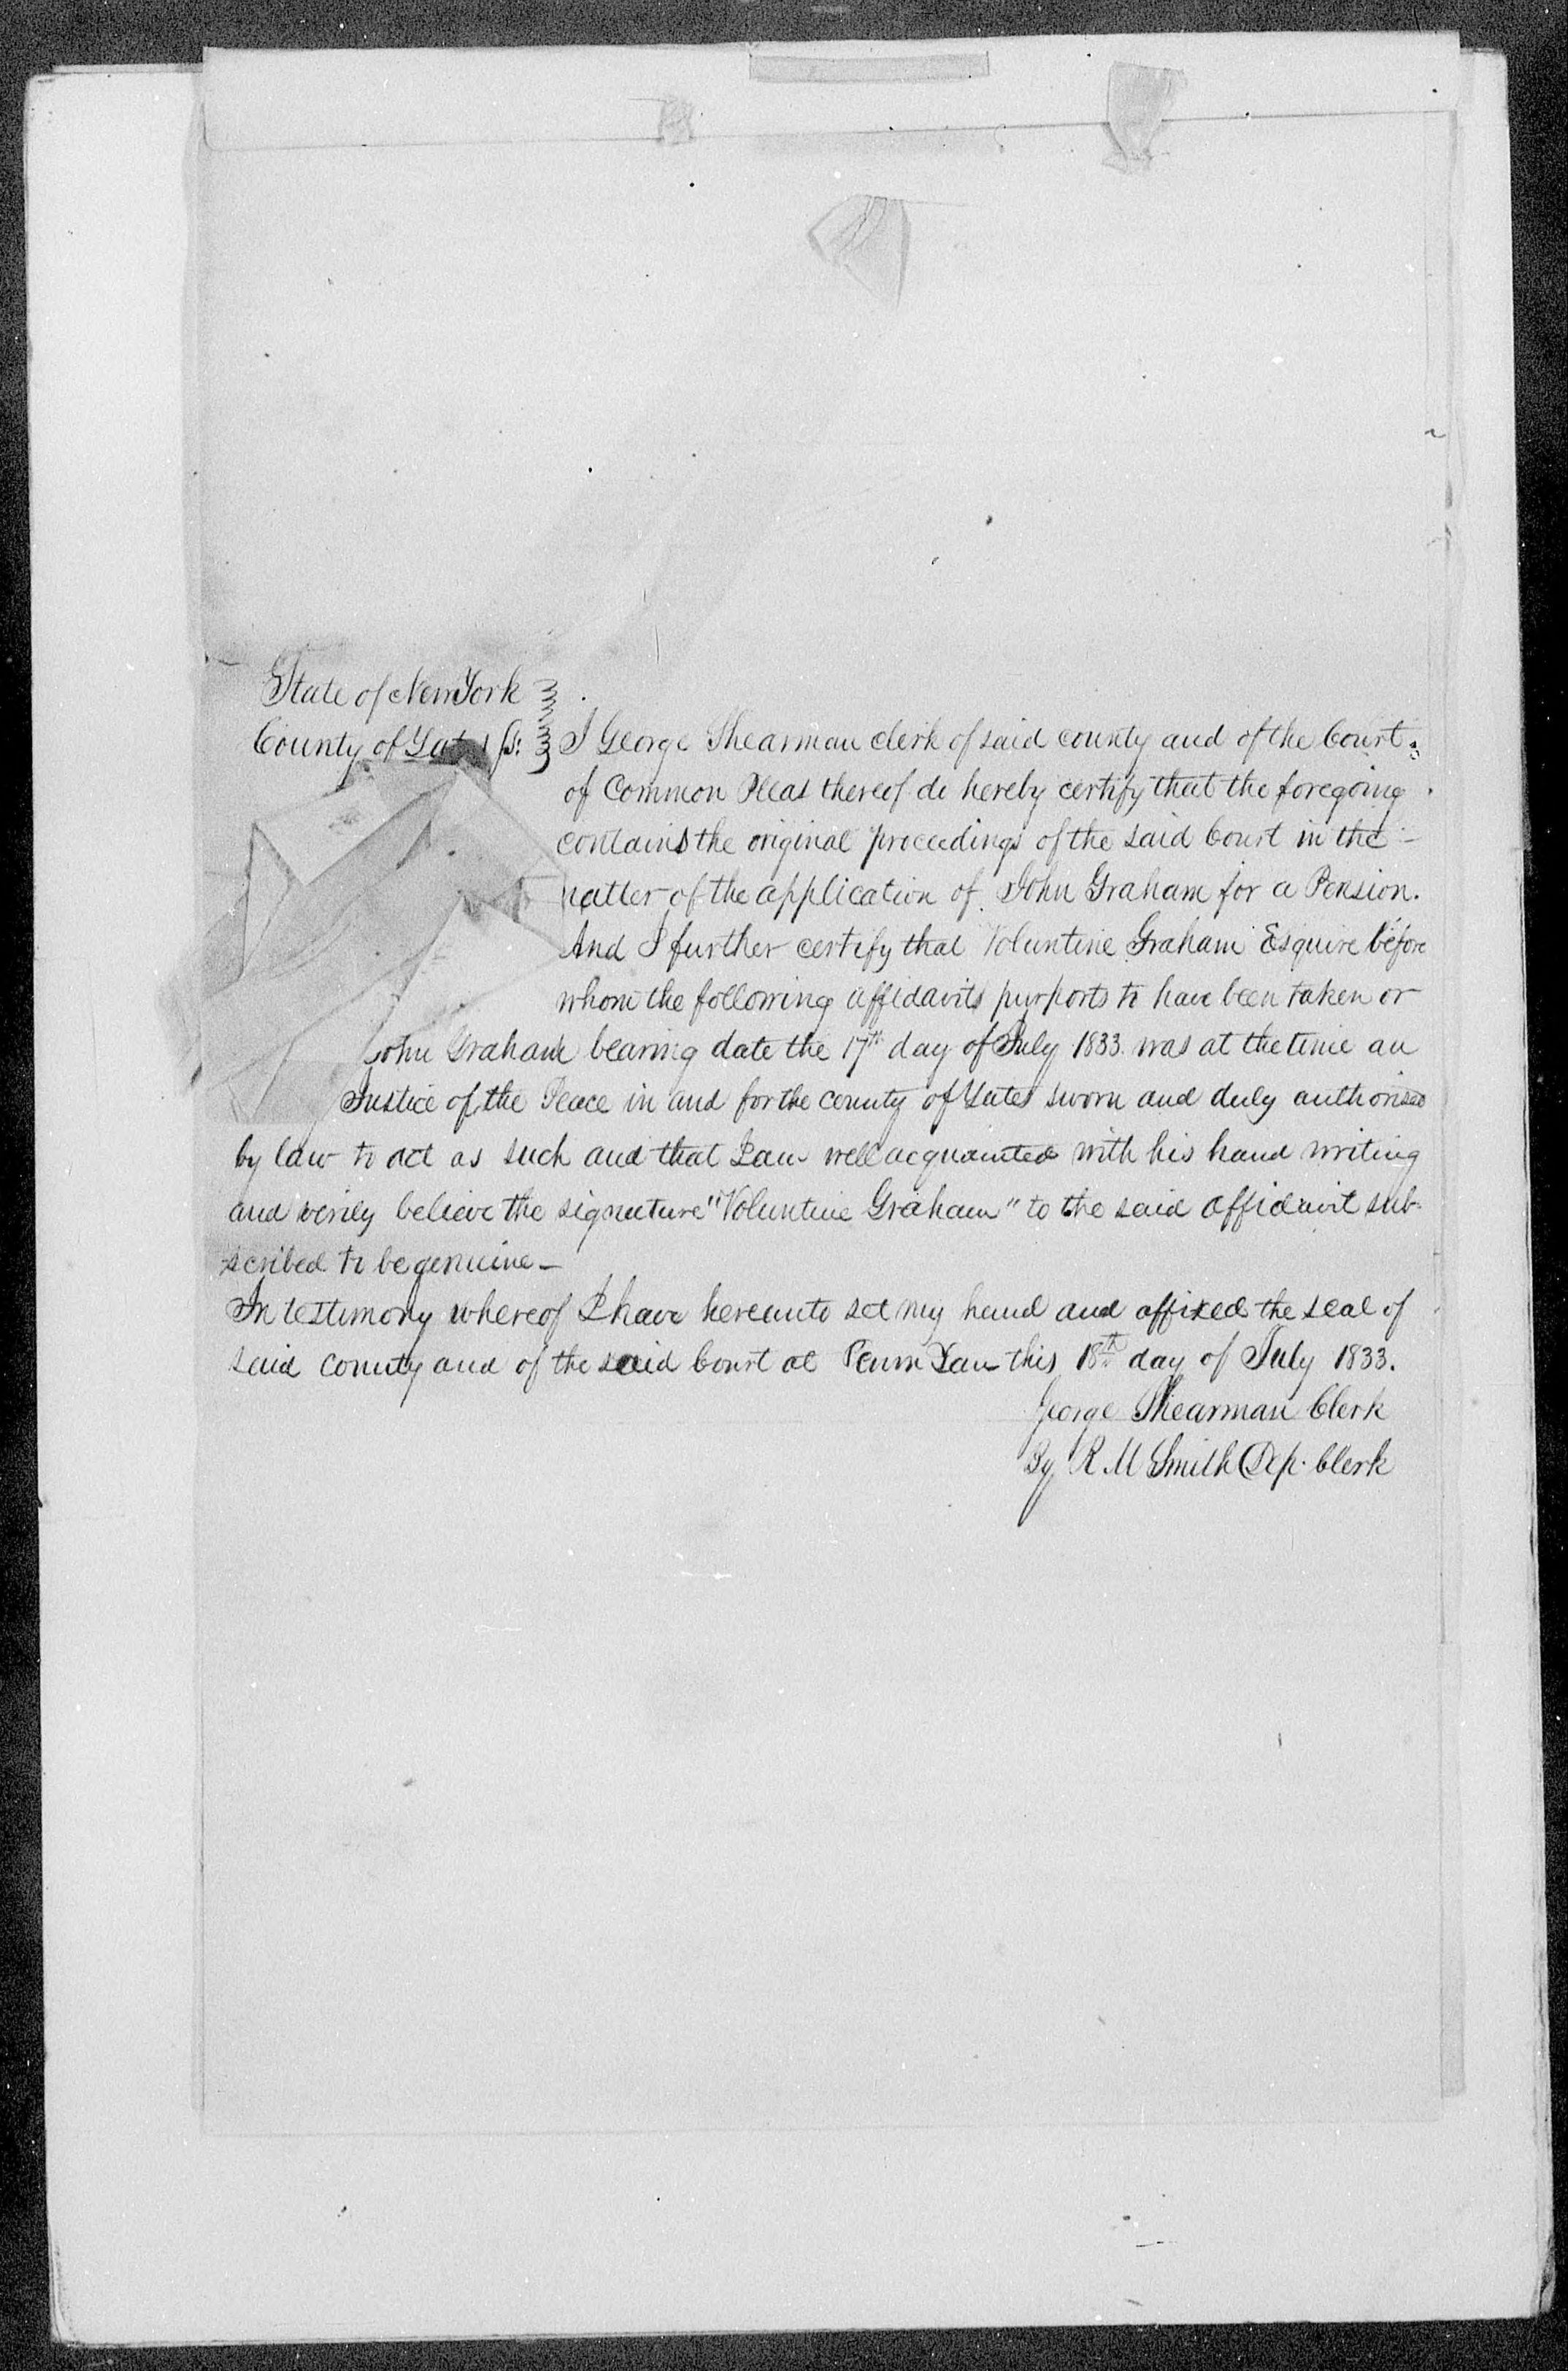State of New York
County of Yates
I George Shearman clerk of said county and of the Court of Common Pleas thereof do hereby certify that the foregoing contains the original proceedings of the said Court in the matter of the application of John Graham for a Pension. And I further certify that Volutine Graham Esquire before whom the following affidavits purports to have been taken or (missing text) John Graham bearing date the 17th day of July 1833 was at the time an (missing text) Justice of the Peace in and for the County of Yates sworn and duly authorised by law to act such and that I am well acquainted with his hand writing and verily believe the signature "Voluntine Graham" to the said affidavit subscribed to be genuine.
In testimony whereof I have hereunto set my hand and affixed the seal of said county and of the said Court at Kennesaw(?) this 18th day of July 1833.
George Shearman Clerk
By R M Smith Dep. Clerk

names: Voluntine Graham, John Graham, R M Smith, George Shearman, George Shearman, Voluntine Graham, John Graham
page: 17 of 28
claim: survivor's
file: S. 22799, John Graham, Mass